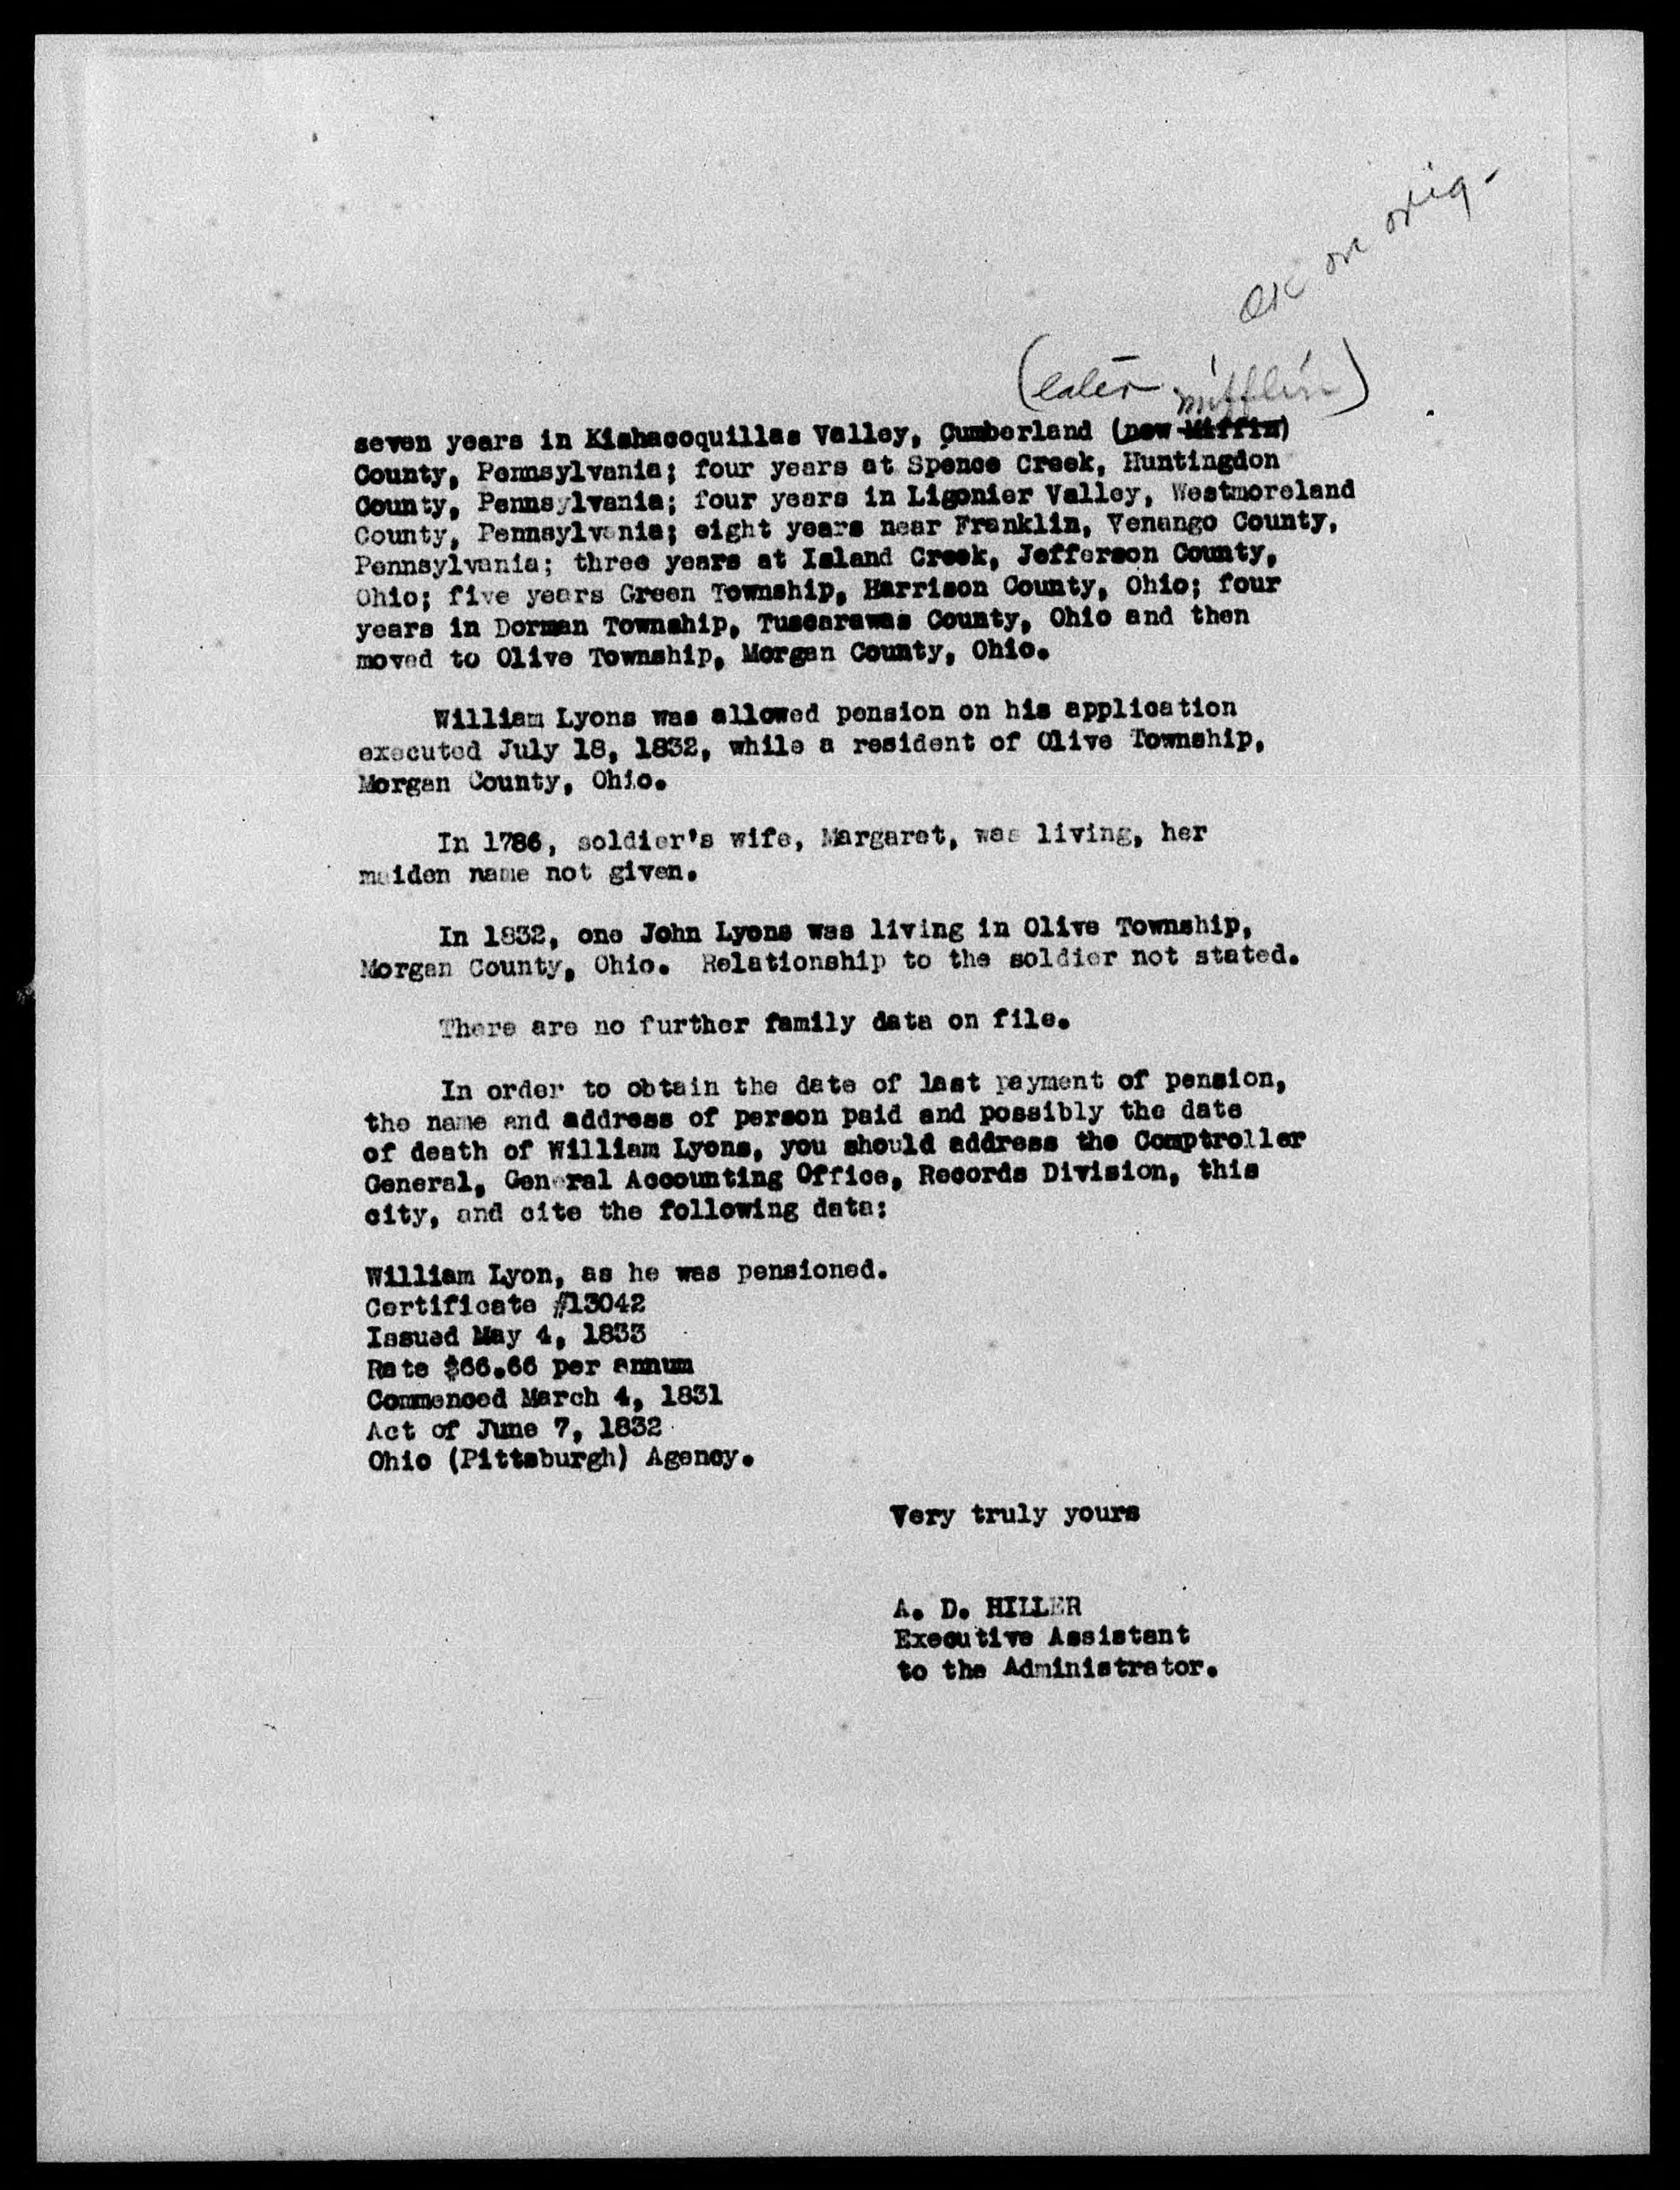seven years in Kishacoquillas Valley, Cumberland (later Mifflin Ok On orig) County, Pennsylvania; four years at Spence Creek, Huntingdon county, Pennsylvania; four years in Ligoneier Valley, Westmoreland Pennsylvania; three years at Island Creek, Jeffereson County, Ohio; five years Green Township Harrison County, Ohio; four years in Dorman Township, Tuscarawas County, Ohio and then served to Olive Township Morgan county, Ohio.
William Lyons was allowed pension on his application executed July  18, 1832, while a resident of Olive Township, Morgan county, Ohio. In 1766, soldier's wife, Margaret, was living her maiden name not given. In 1832, one John Lyons was living in Olive Township, Morgan county, Ohio. Relationship to the soldier not stated. There are no further family data on file. In order to obtain the date of last payment of pension, the name and address of person paid and possibly the ate of death of William Lyons, you should address the Comptroller General, General Accounting Office, Records Division, this city, and cite the following date:
William Lyon  as he was pensioned.
Certificate #13042
Issued May 4, 1833
Ra to $66.66 per annum
Commended March 4, 1831
Act of June 7, 1832
Ohio (Pittsburgh) Agency
Very truly yours
A.D. Hiller
Executive Assistant  to the Administrator.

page: 15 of 41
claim: survivor's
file: S. 4585, for William Lyons, Pennsylvania